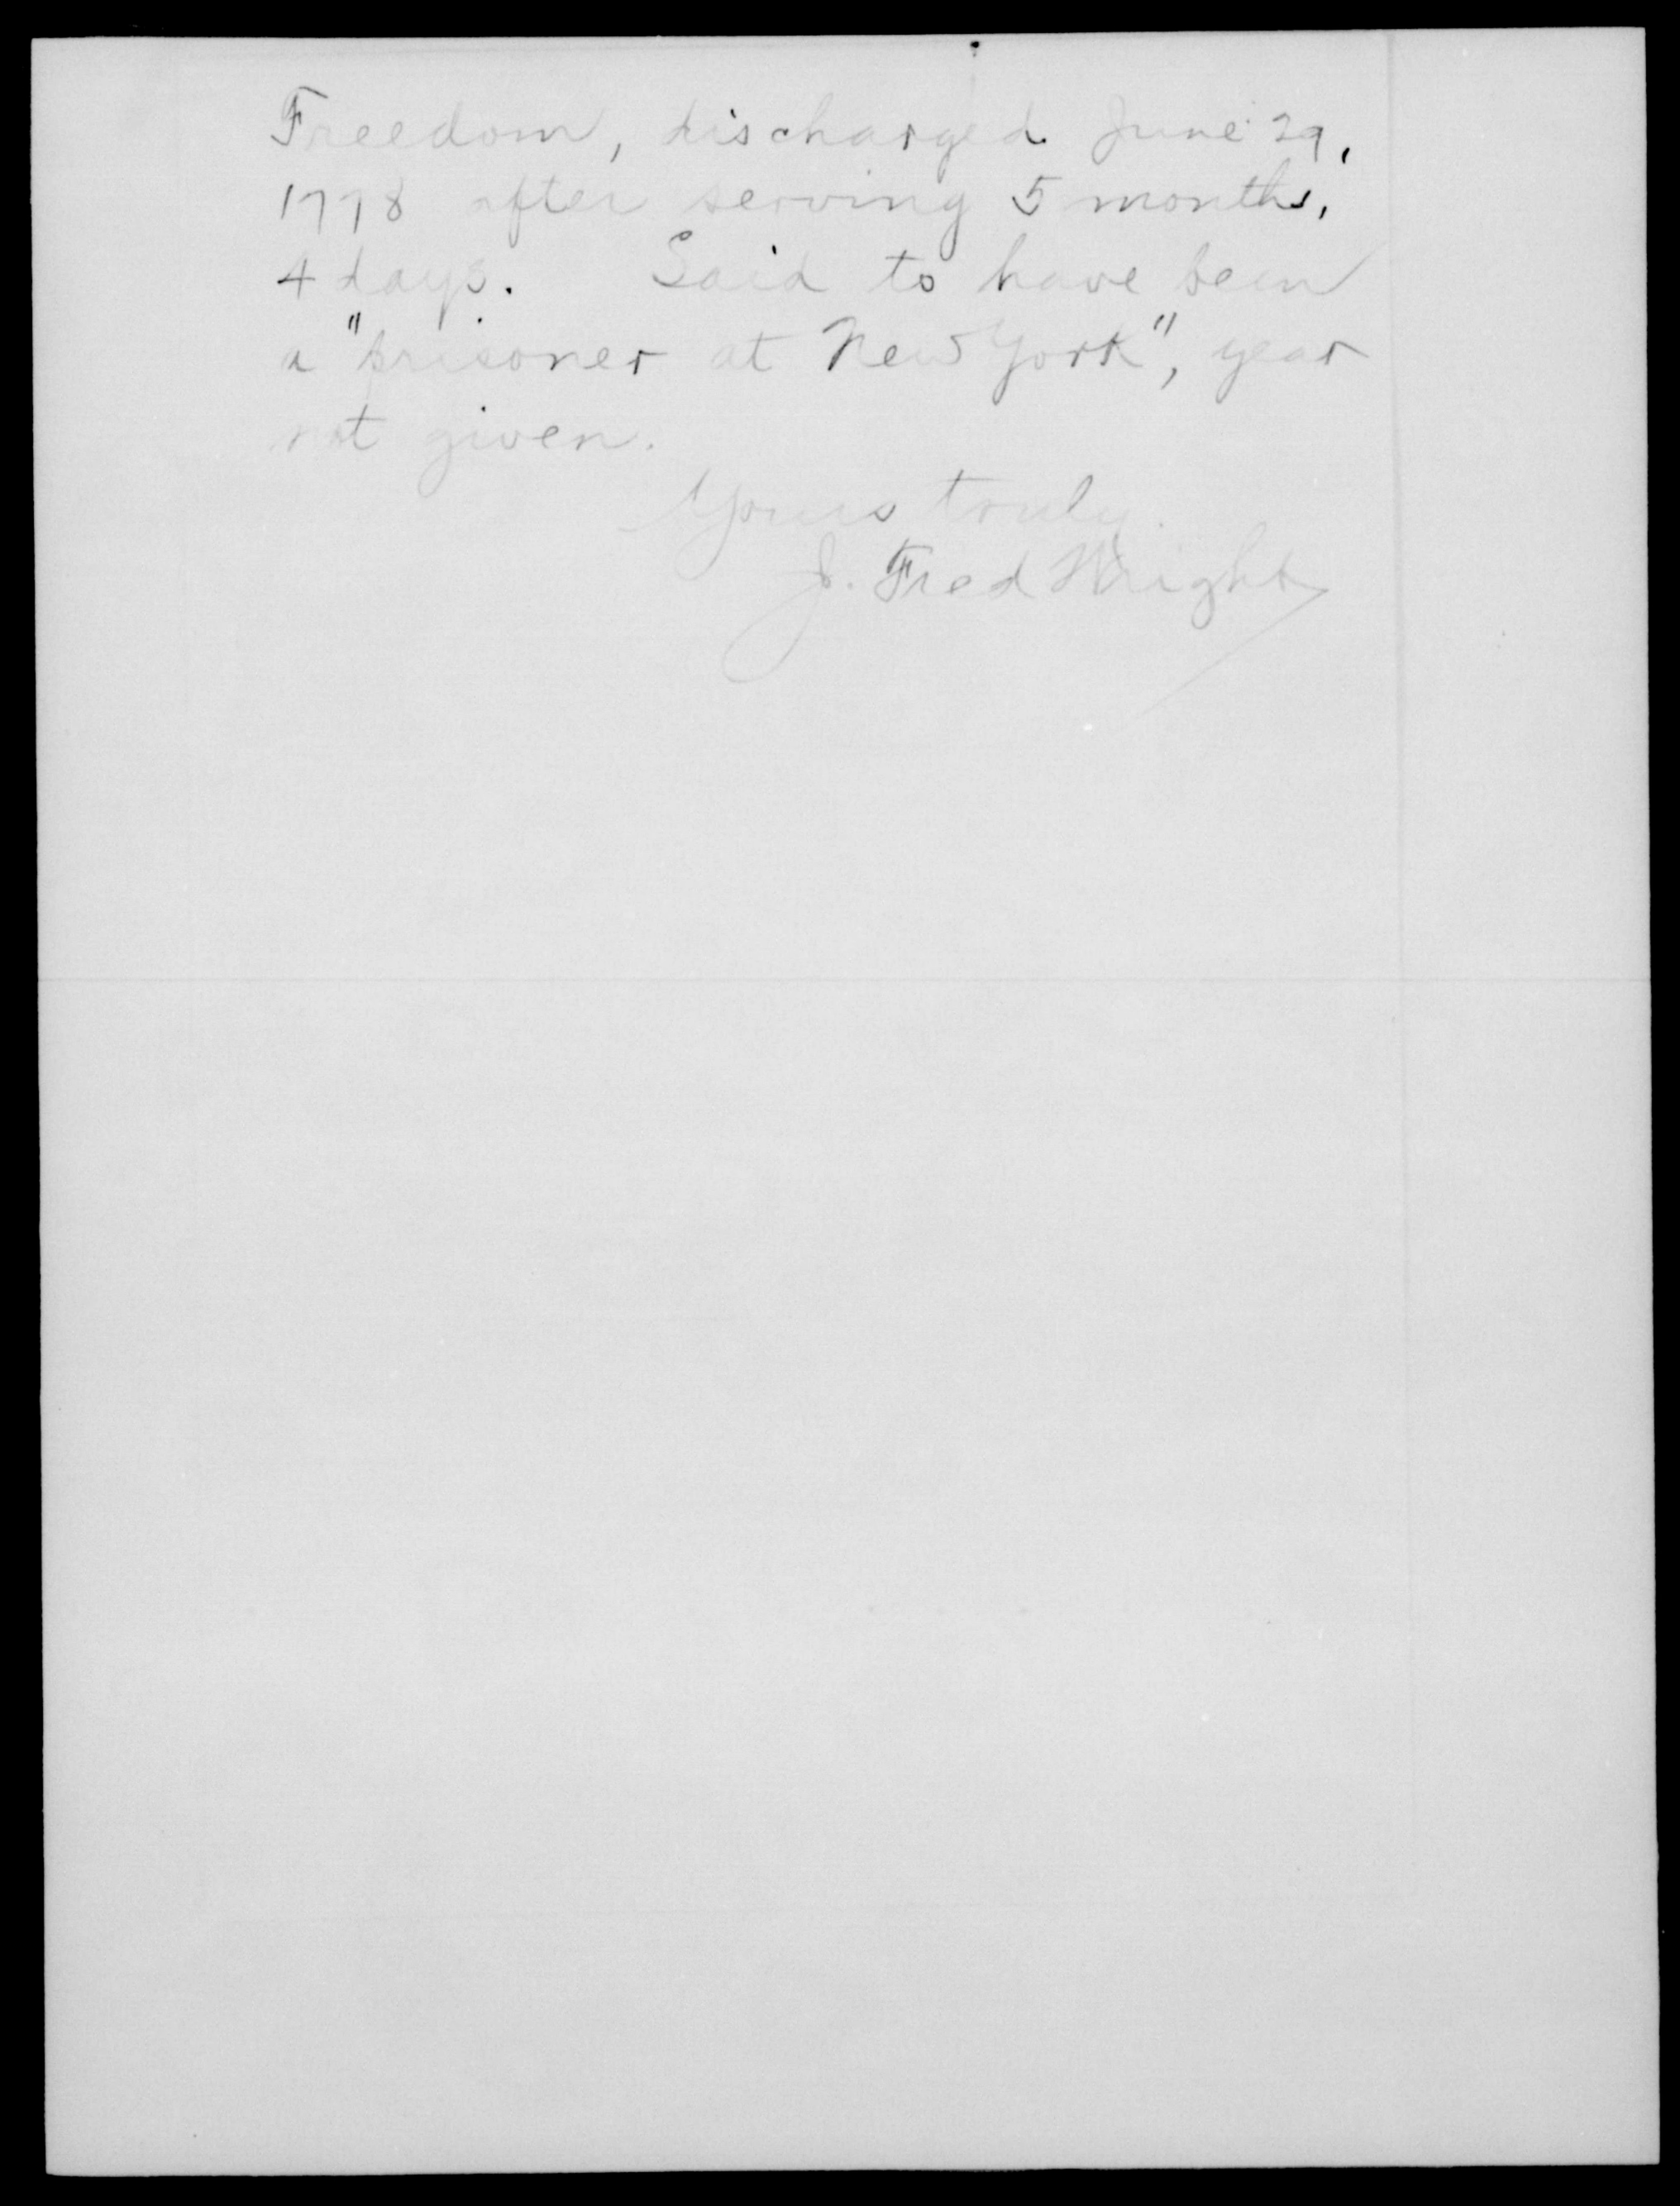Freedom, discharged June 29, 1778 after serving 5 months, 4 days. Said to have been a "prisoner at New York," year not given.
Yours truly,
J. Fred Wright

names: J Fred Wright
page: 10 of 20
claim: survivor's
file: S 33668, for Eli Simons, Connecticut